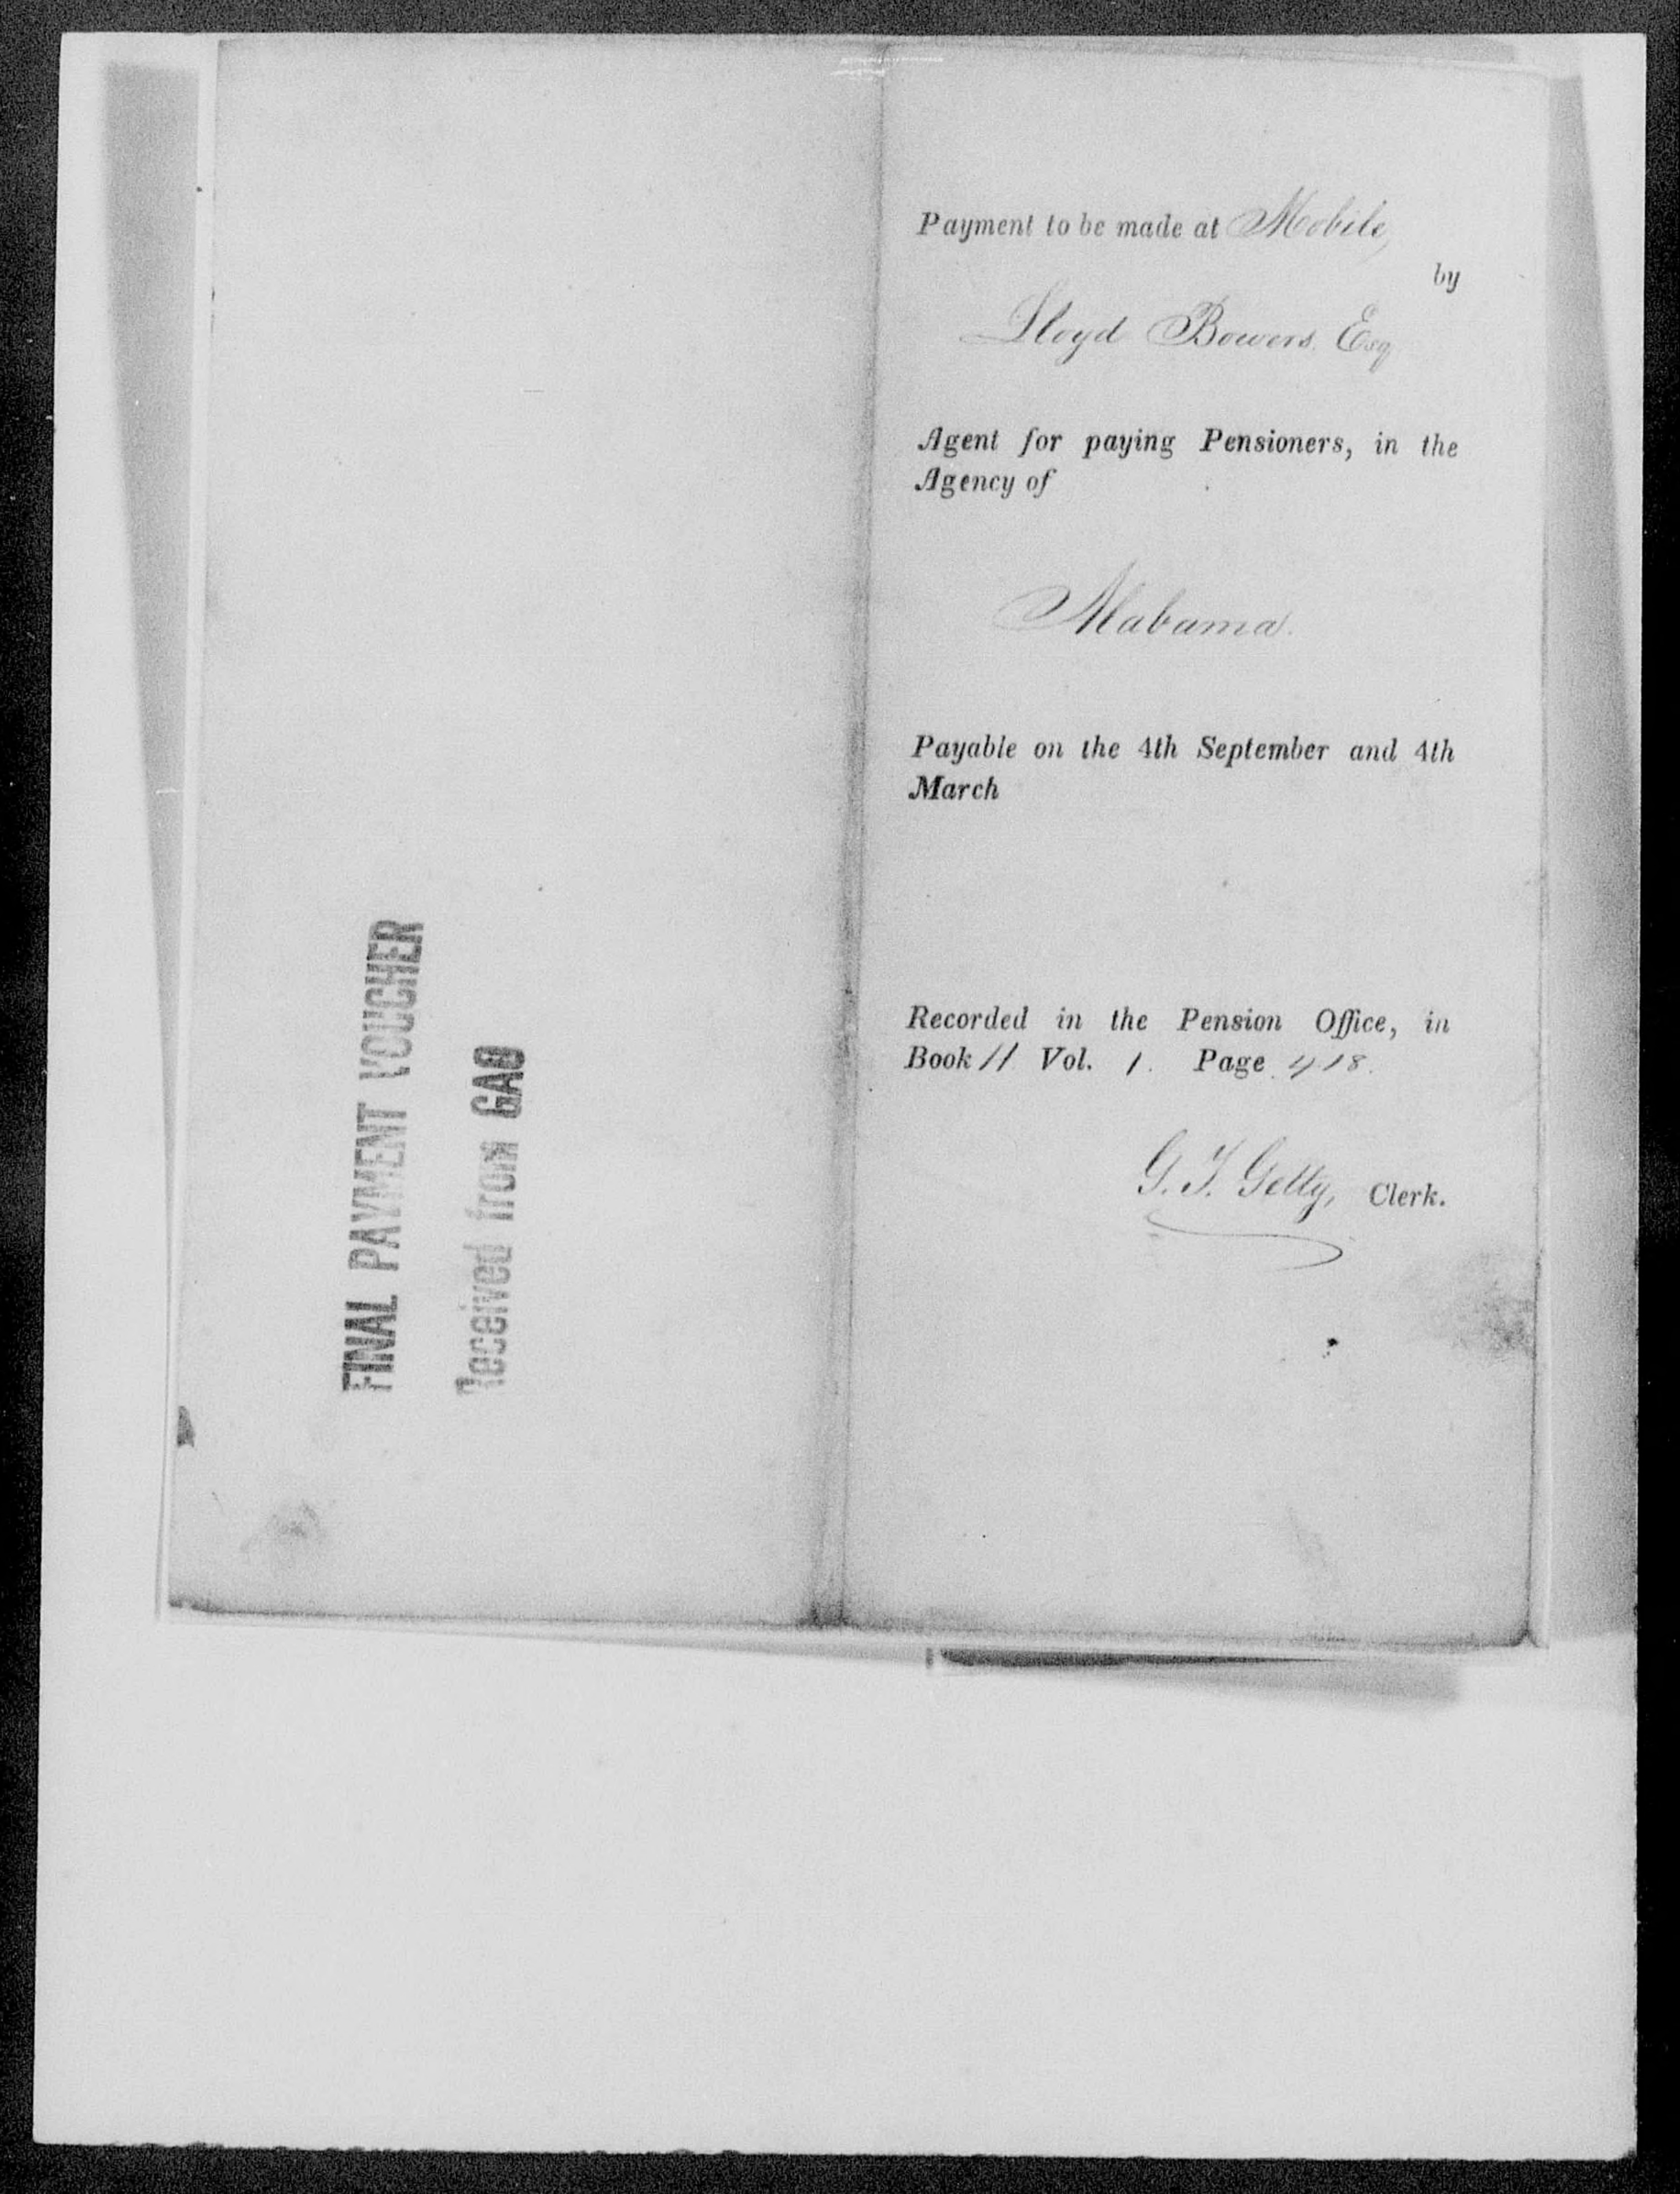[left side of page]

Final Payment Voucher
Received from GAO

[right side of page]
Payment to be made at Mobile by
Loyd Bowers Esq

Agent for paying Pensioners, in the
Agency of 
Alabama

Payable on the 4th September  and 4th
March

Recorded in the Pension Office, in 
Book H Vol. 1.  Page 418

G. T. Getty, Clerk.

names: G T Getty, Lloyd Bowers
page: 62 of 86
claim: widow's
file: W. 6899, James Carrell, N.C.